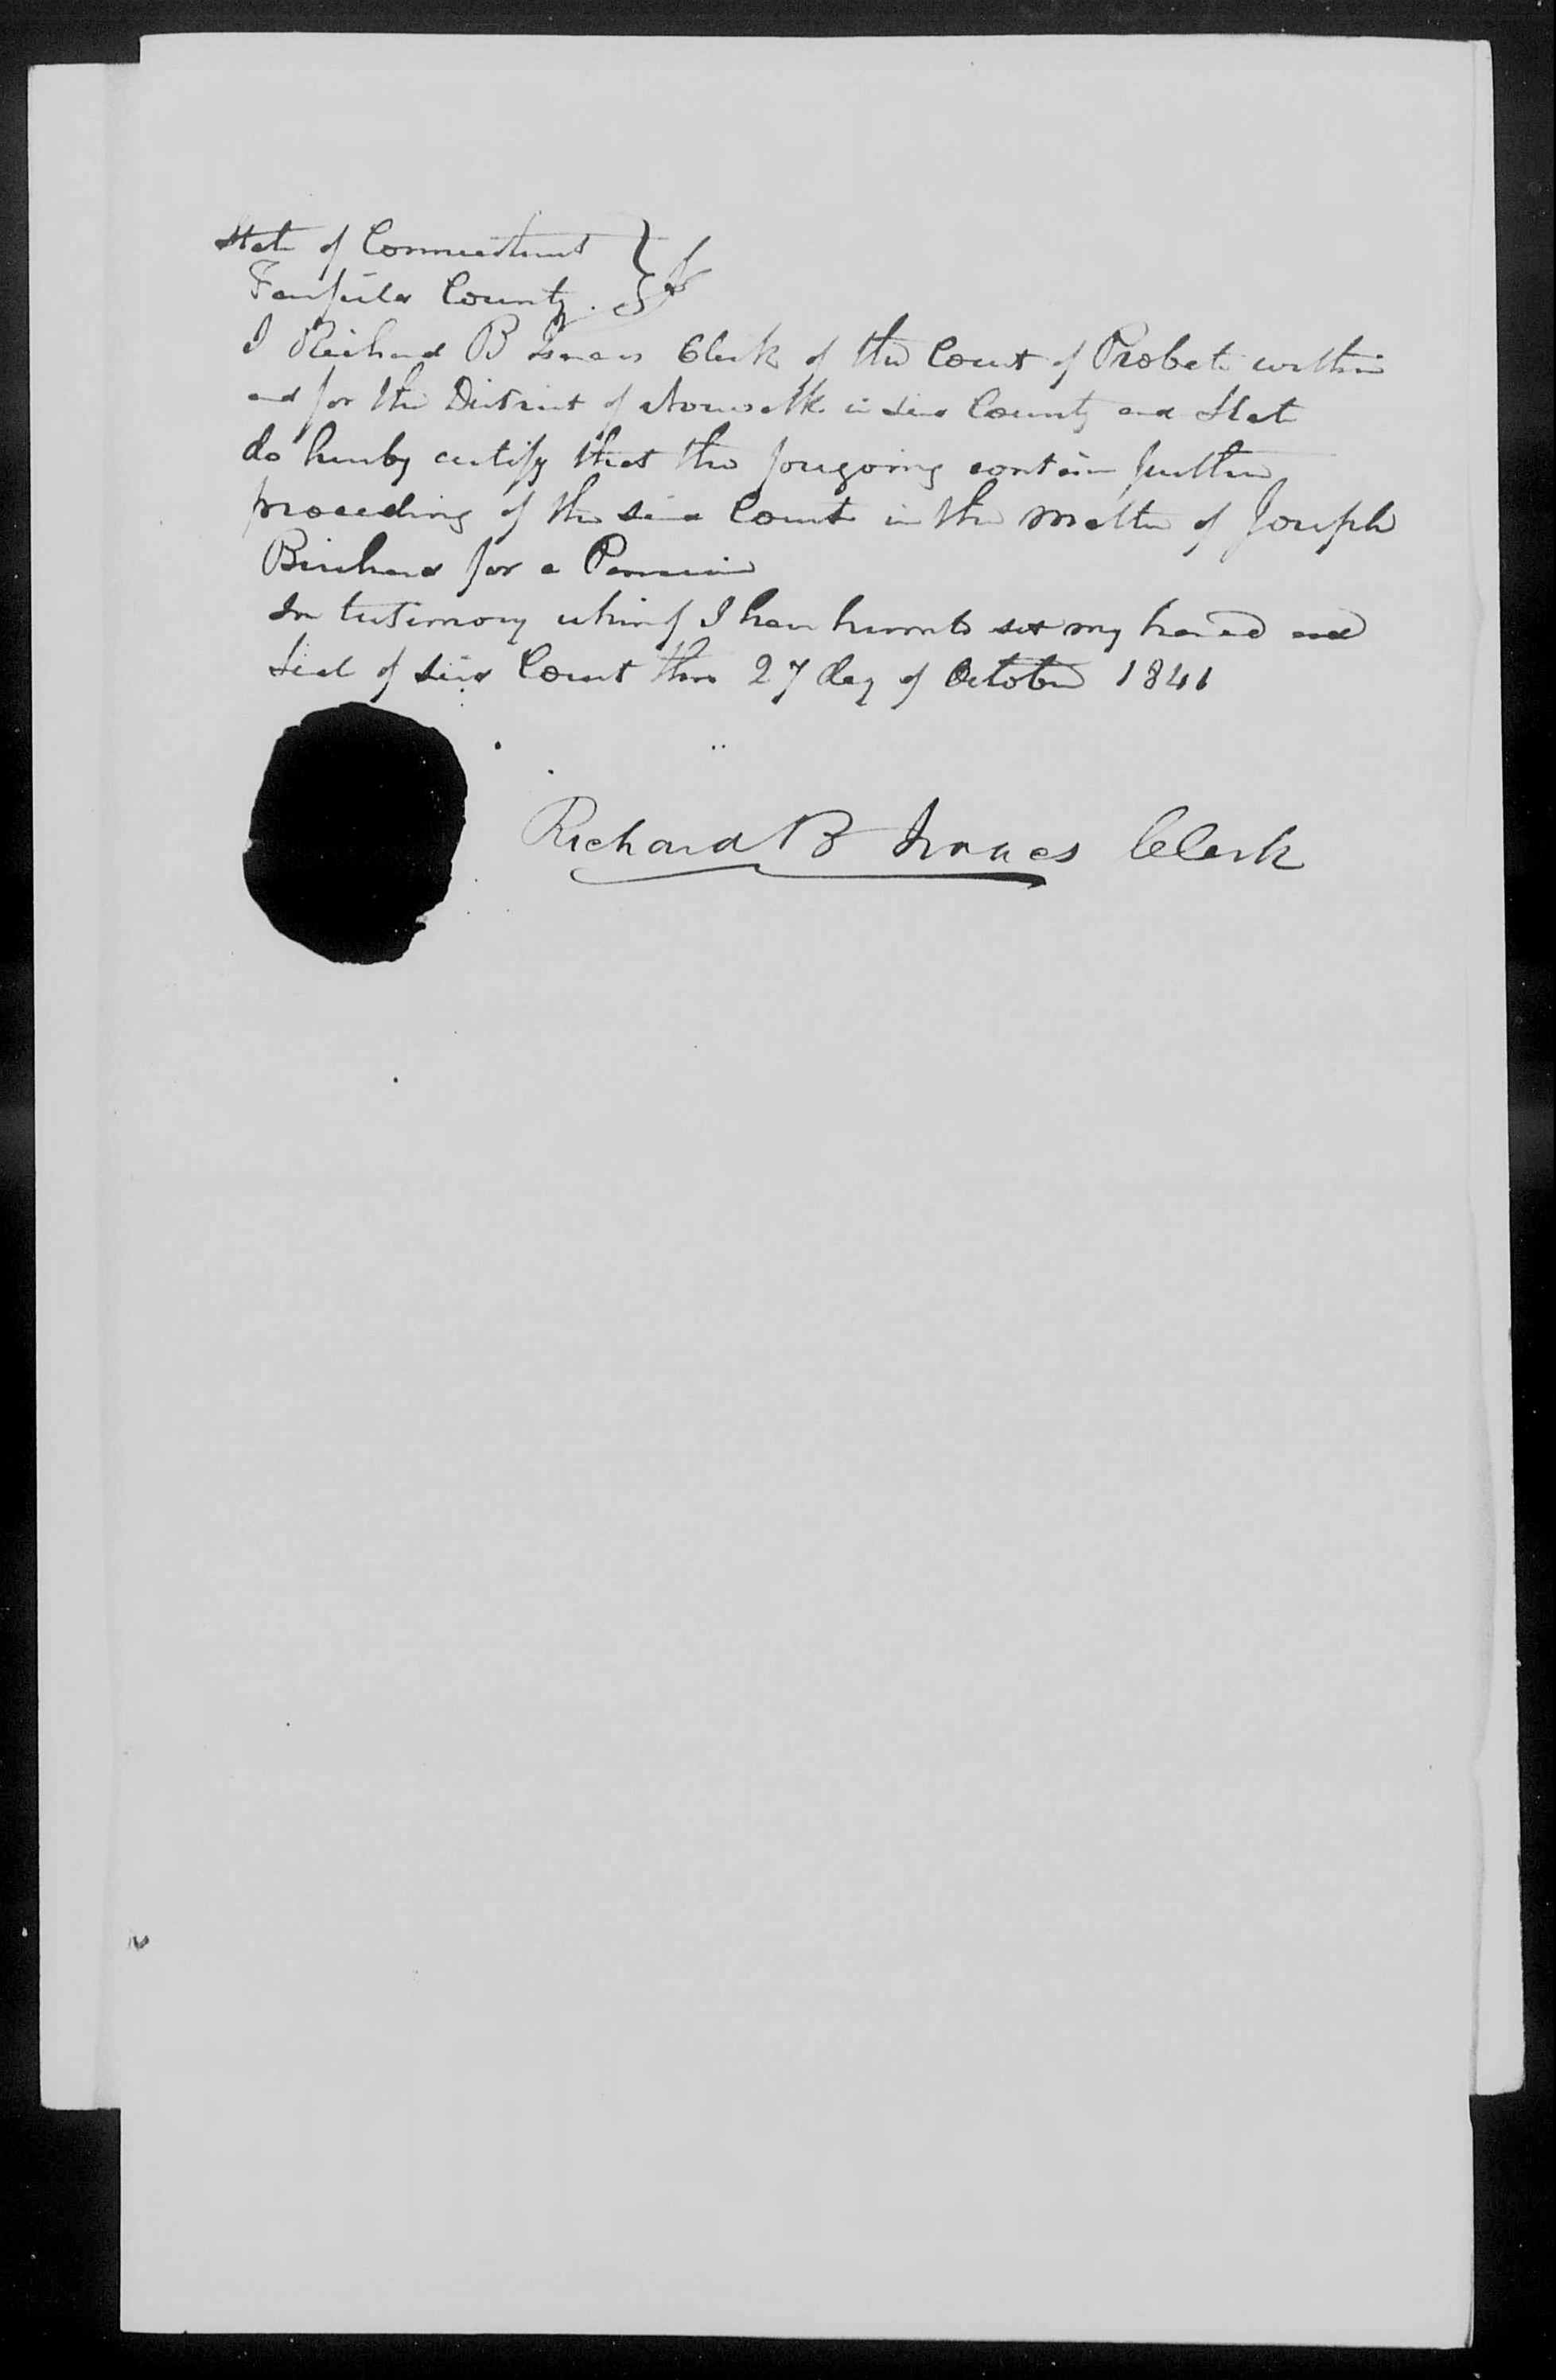State of Connecticut}
Fairfield County} Ss

I Richard B. Isaac Clerk of the Court of Probate within and for the District of Norwalk in said County and that  do hereby certify that the foregoing contains further proceeding of the said Court in the matter of Joseph Birchard for a pension.
In testimony which I have heard, set my hand and seal of said Court this 27 day of October 1841

Richard B. Isaac Clerk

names: Richard B Isaacs, Richard B Isaacs, Joseph Birchard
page: 8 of 18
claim: rejected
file: R. 844, Joseph Birchard, Conn.